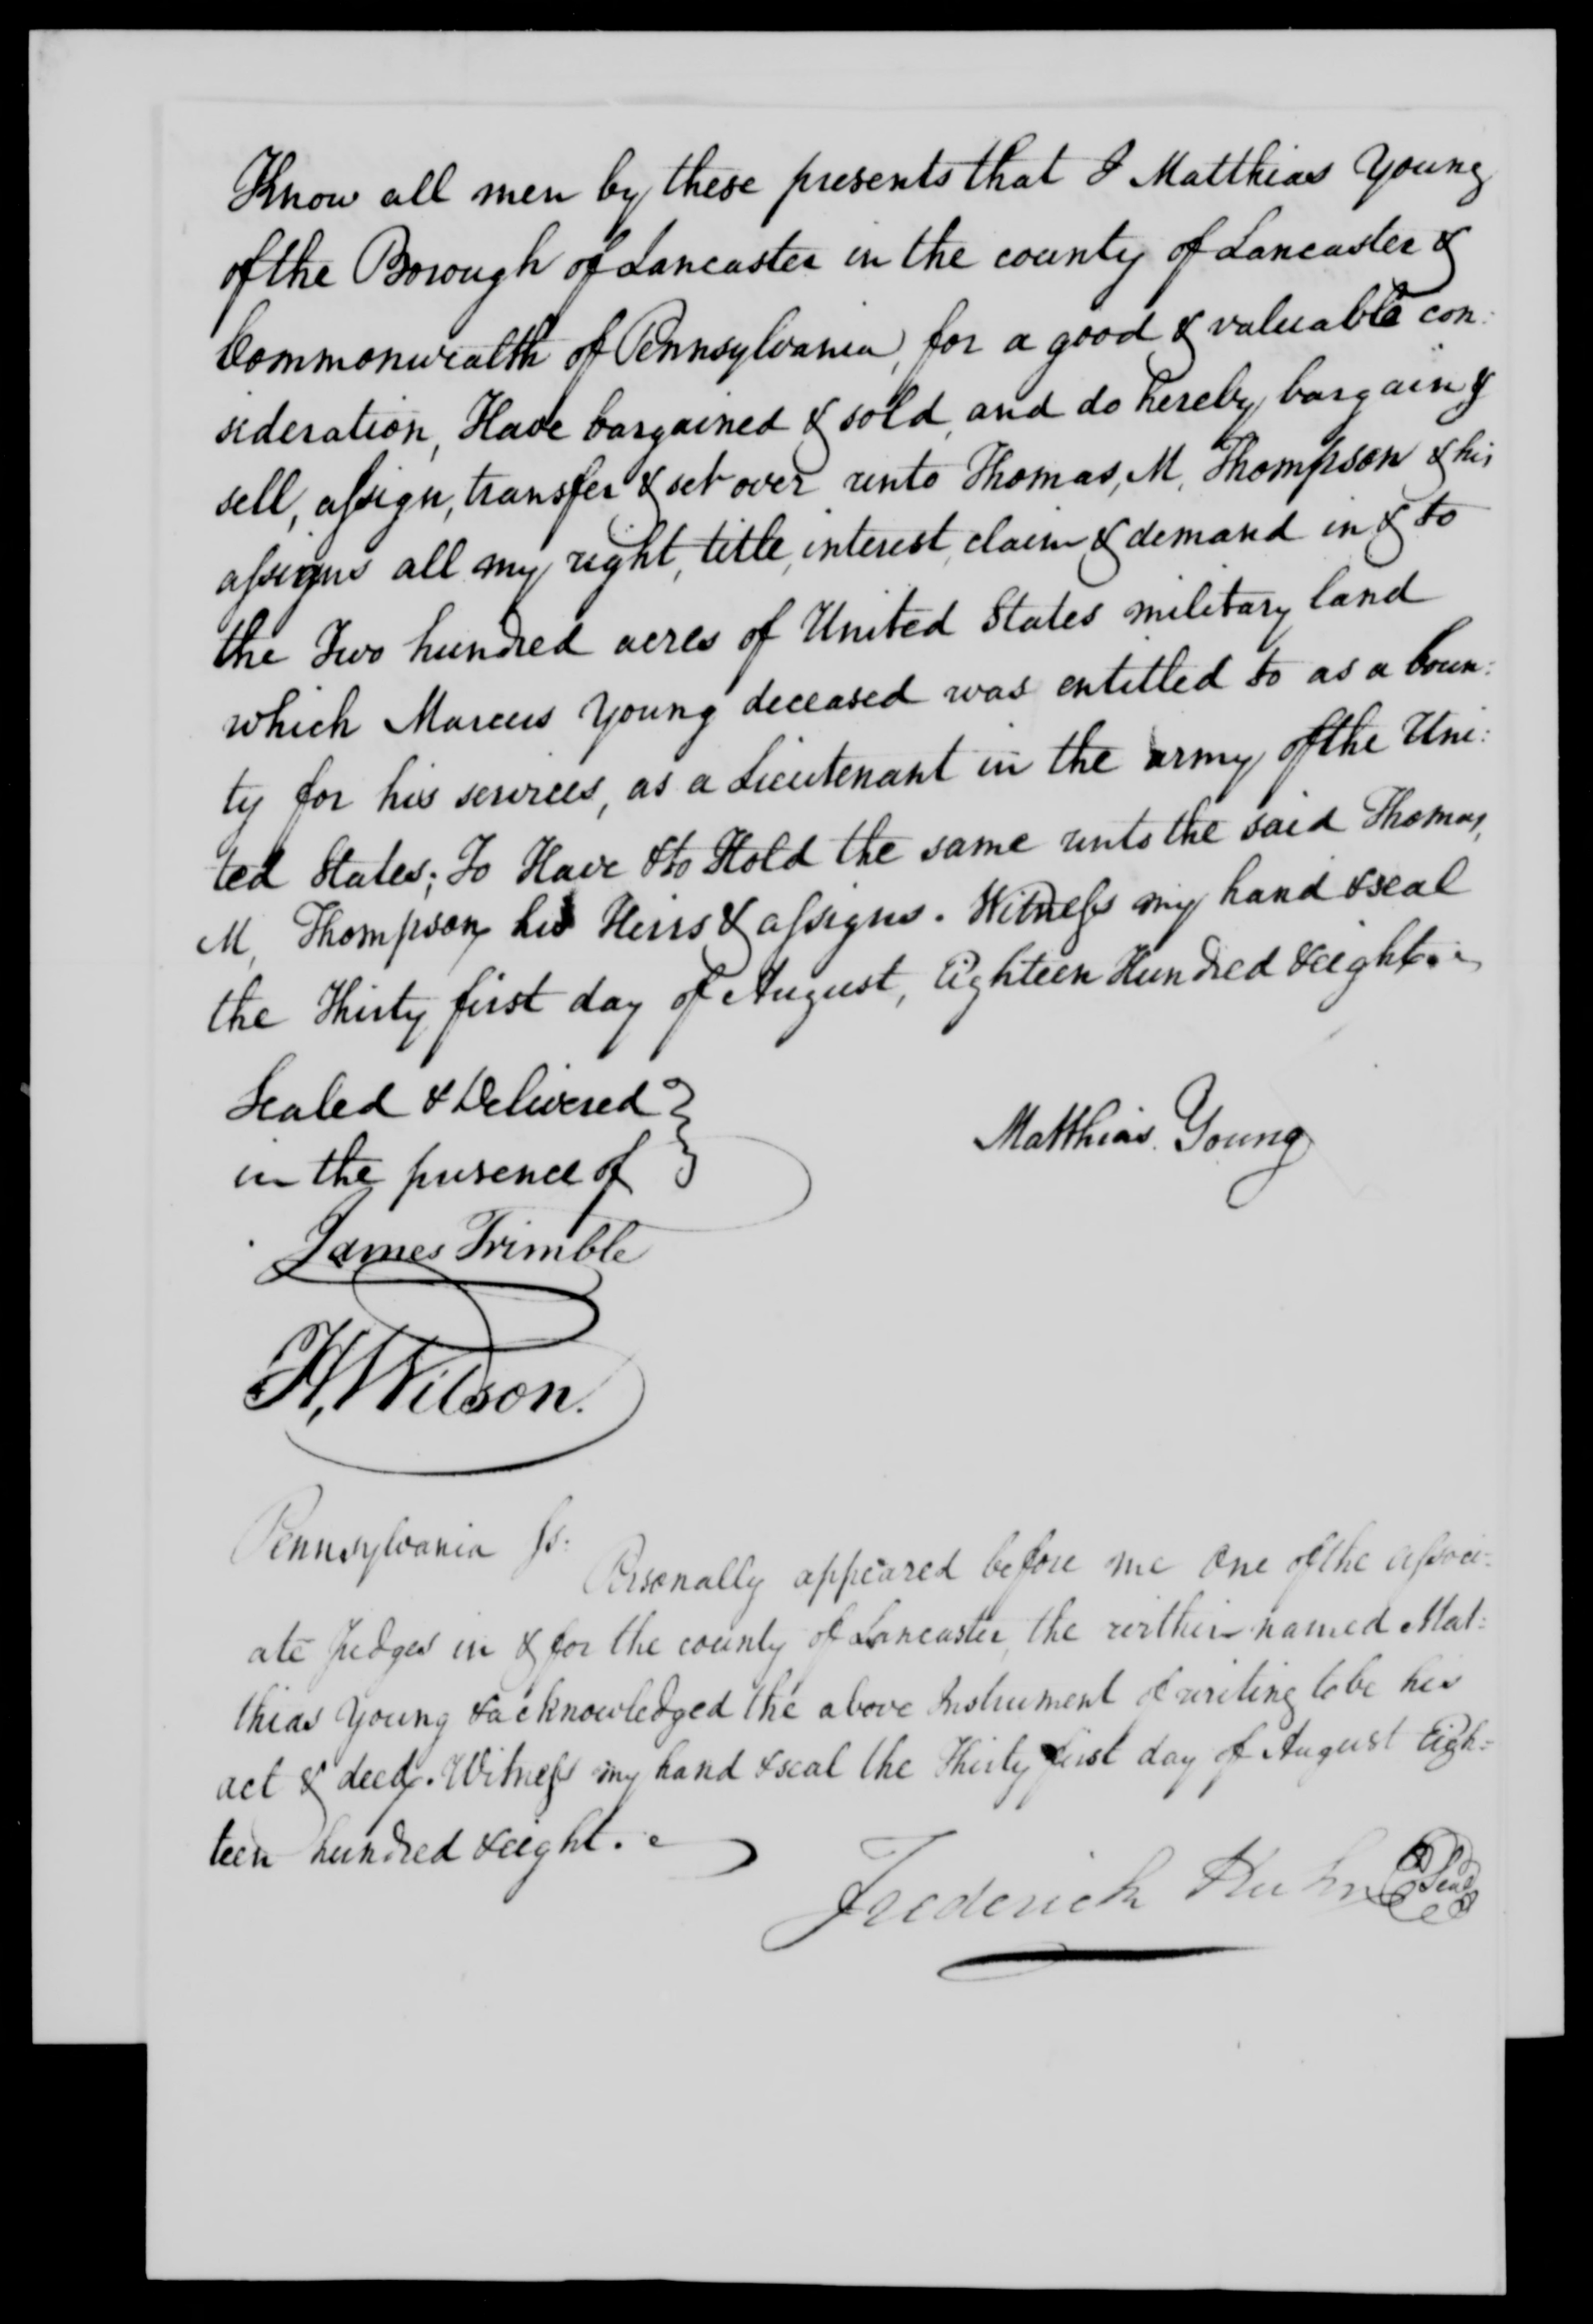Know all men by these presents that I Matthias Young of the Borough of Lancaster in the County of Lancaster & Commonwealth of Pennsylvania, for a good & valuable consideration, have bargained & sold, and do hereby bargain & sell, assign, transfer & set over unto Thomas M. Thompson & his assigns all my right, title, interest claim & demand into the Two hundred acres of United States Military land which Marcus Young deceased was entitled to as a bounty for his services, as a Lieutenant in the army of the Uni ted States: To Have & to Hold the same unto the said Thomas M. Thompson his Heirs & assigns. Witness my hand & seal the Thirty first day of August, Eighteen Hundred & eight. 
Matthias Young
Sealed & Delivered in the presence of  
James Trimble 
H. Wilson 
Pennsylvania Ss. 
Personally appeared before me one of the associate Judges in & for the county of Lancaster the within named Matthias Young & acknowledged the above Instrument of writing to be his act & deed. Witness my hand & seal the Thirty first day of August Eighteen hundred & eight. 
Frederick Kuhn [seal]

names: Marcus Young, H Wilson, Frederick Kuhn, James Trimble, Matthias Young, Thomas M Thompson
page: 3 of 13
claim: bounty land warrant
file: B. L. Wt. 428-200, Marcus Young, Penn.